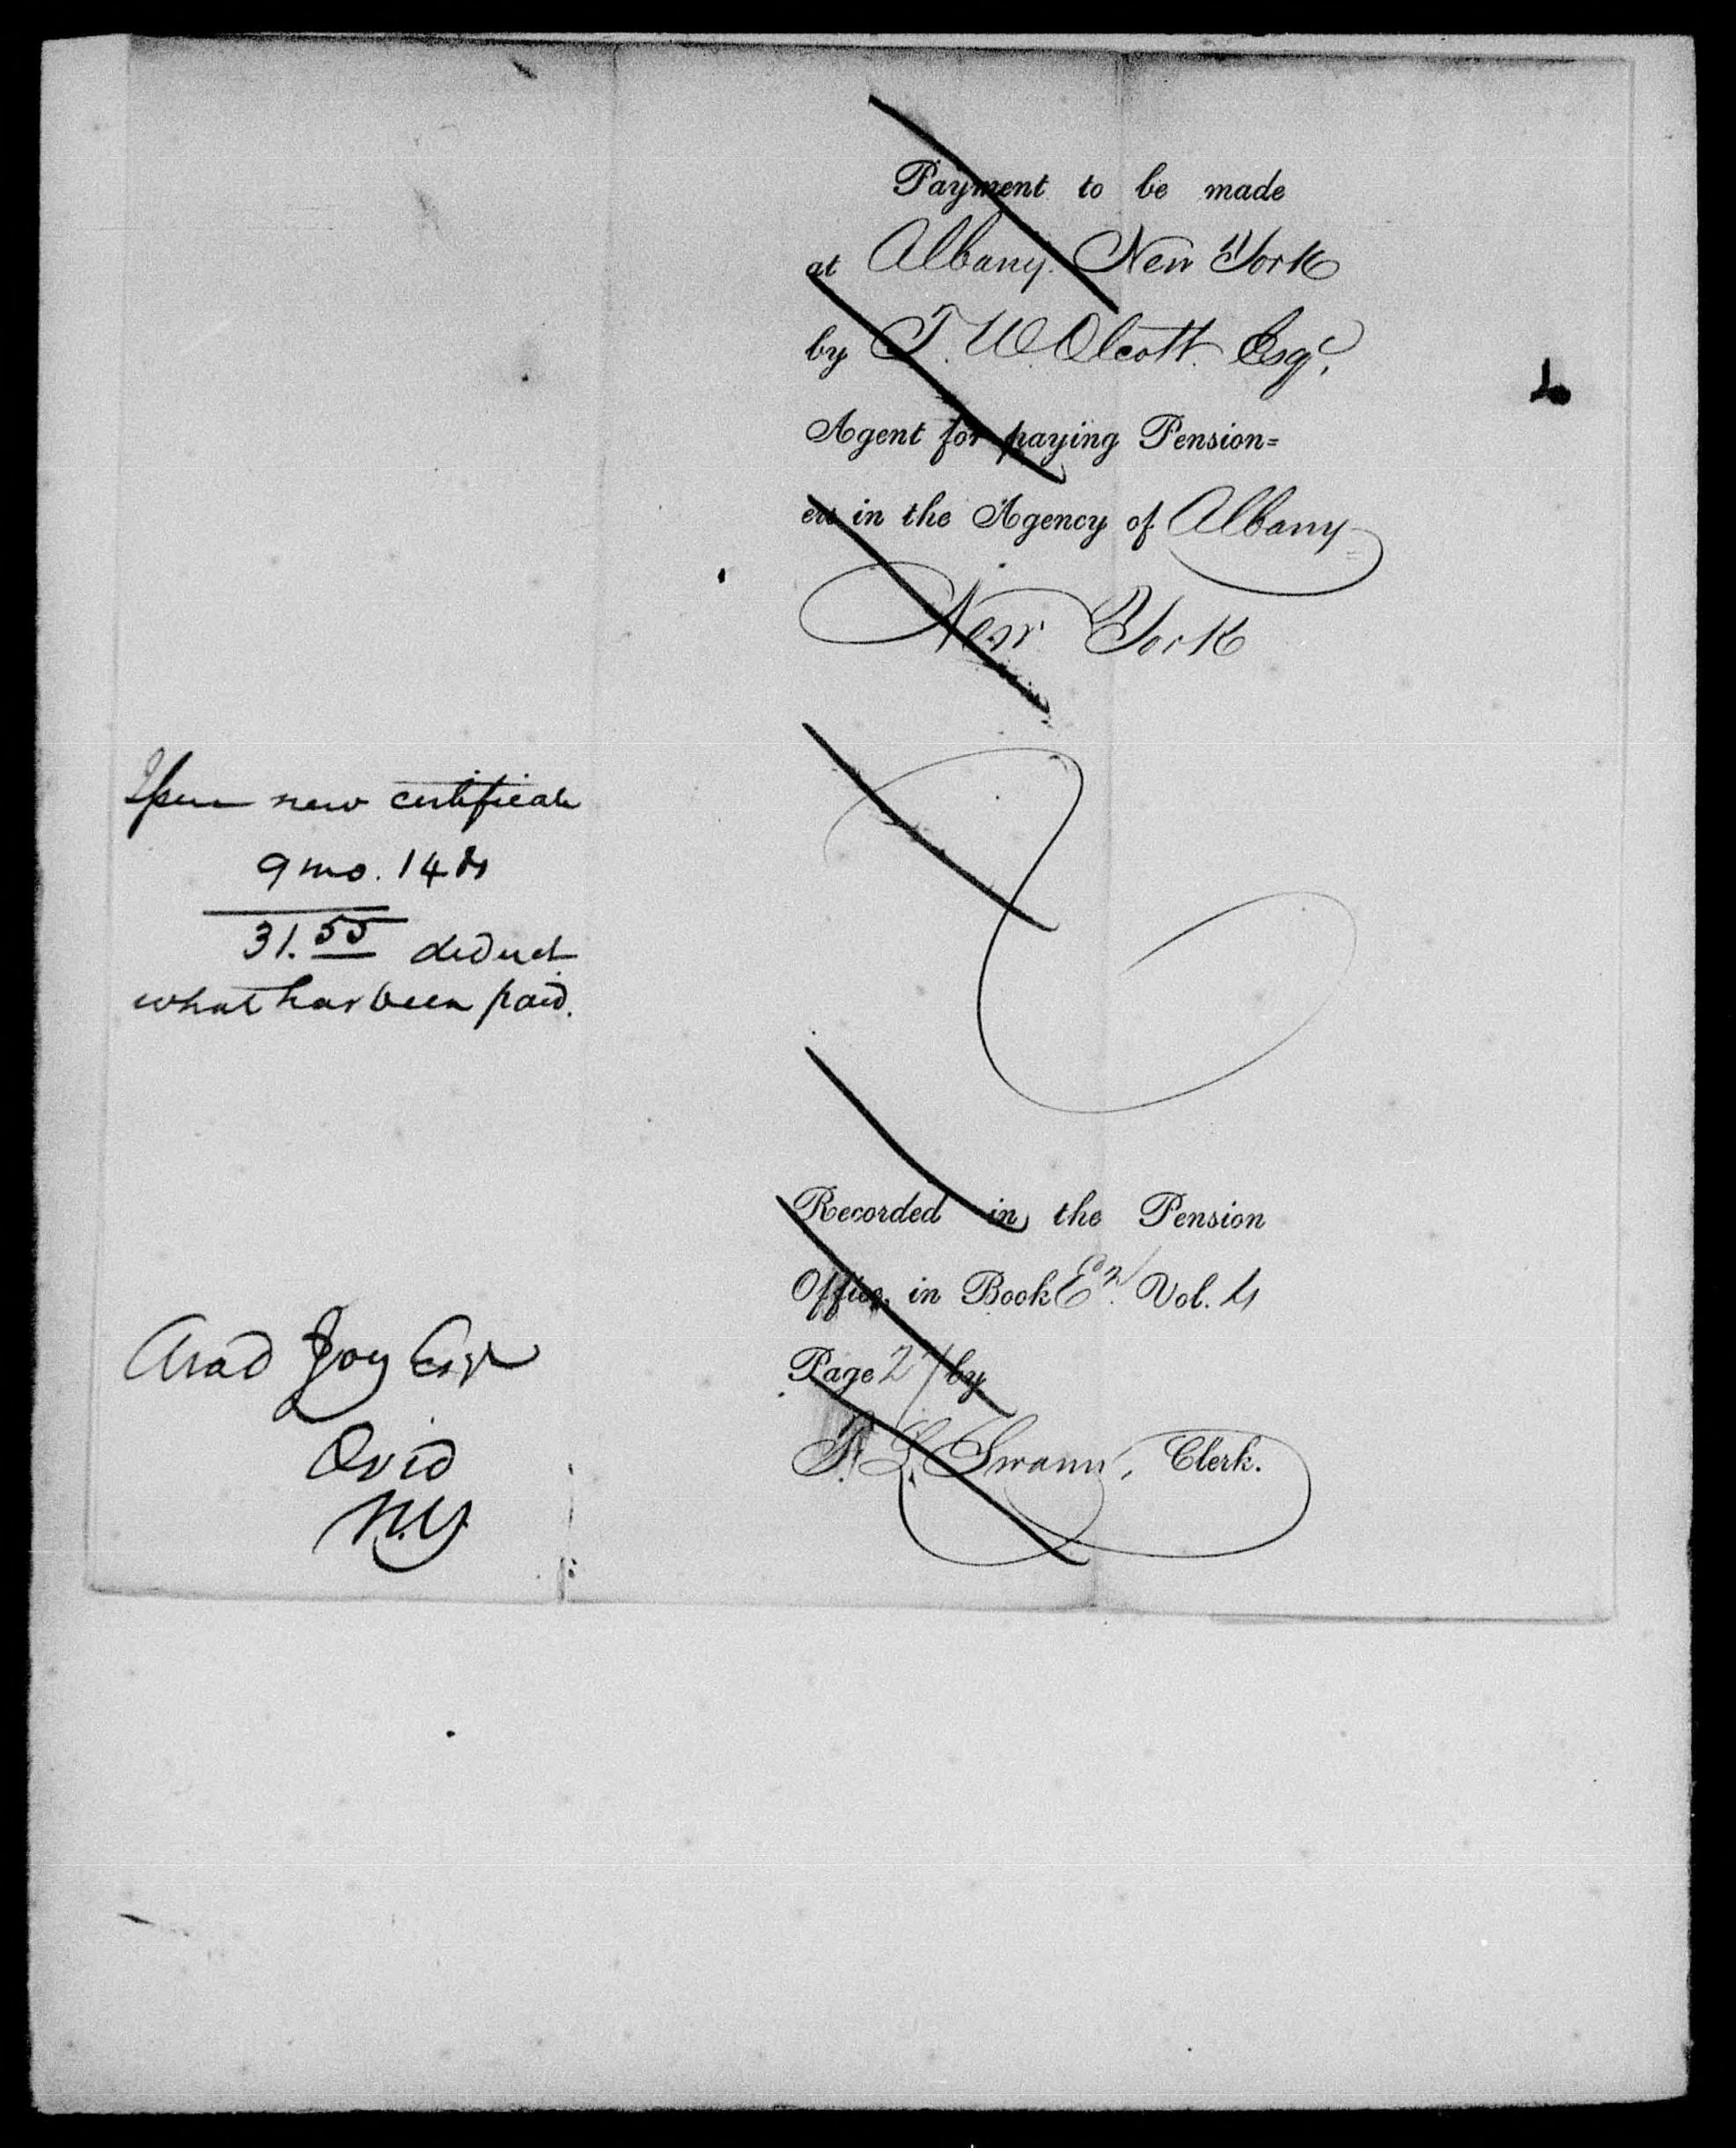Issue new certificate 
9 mo. 14 da.
31.55 deduct what has been paid
['Payment to be made at Albany, New York by T. W. Olcott Esqr. Agent for paying Pensioners in the Agency of Albany New York
Recorded in the Pension Office in Book E2. Vol. 4 Page 27 by F. L. Swann, Clerk.' crossed out]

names: Arad Joy, F L Swann, T W Olcott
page: 16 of 43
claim: survivor's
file: S. 28748, Eleazer Grover, Continental Mass. Vt.